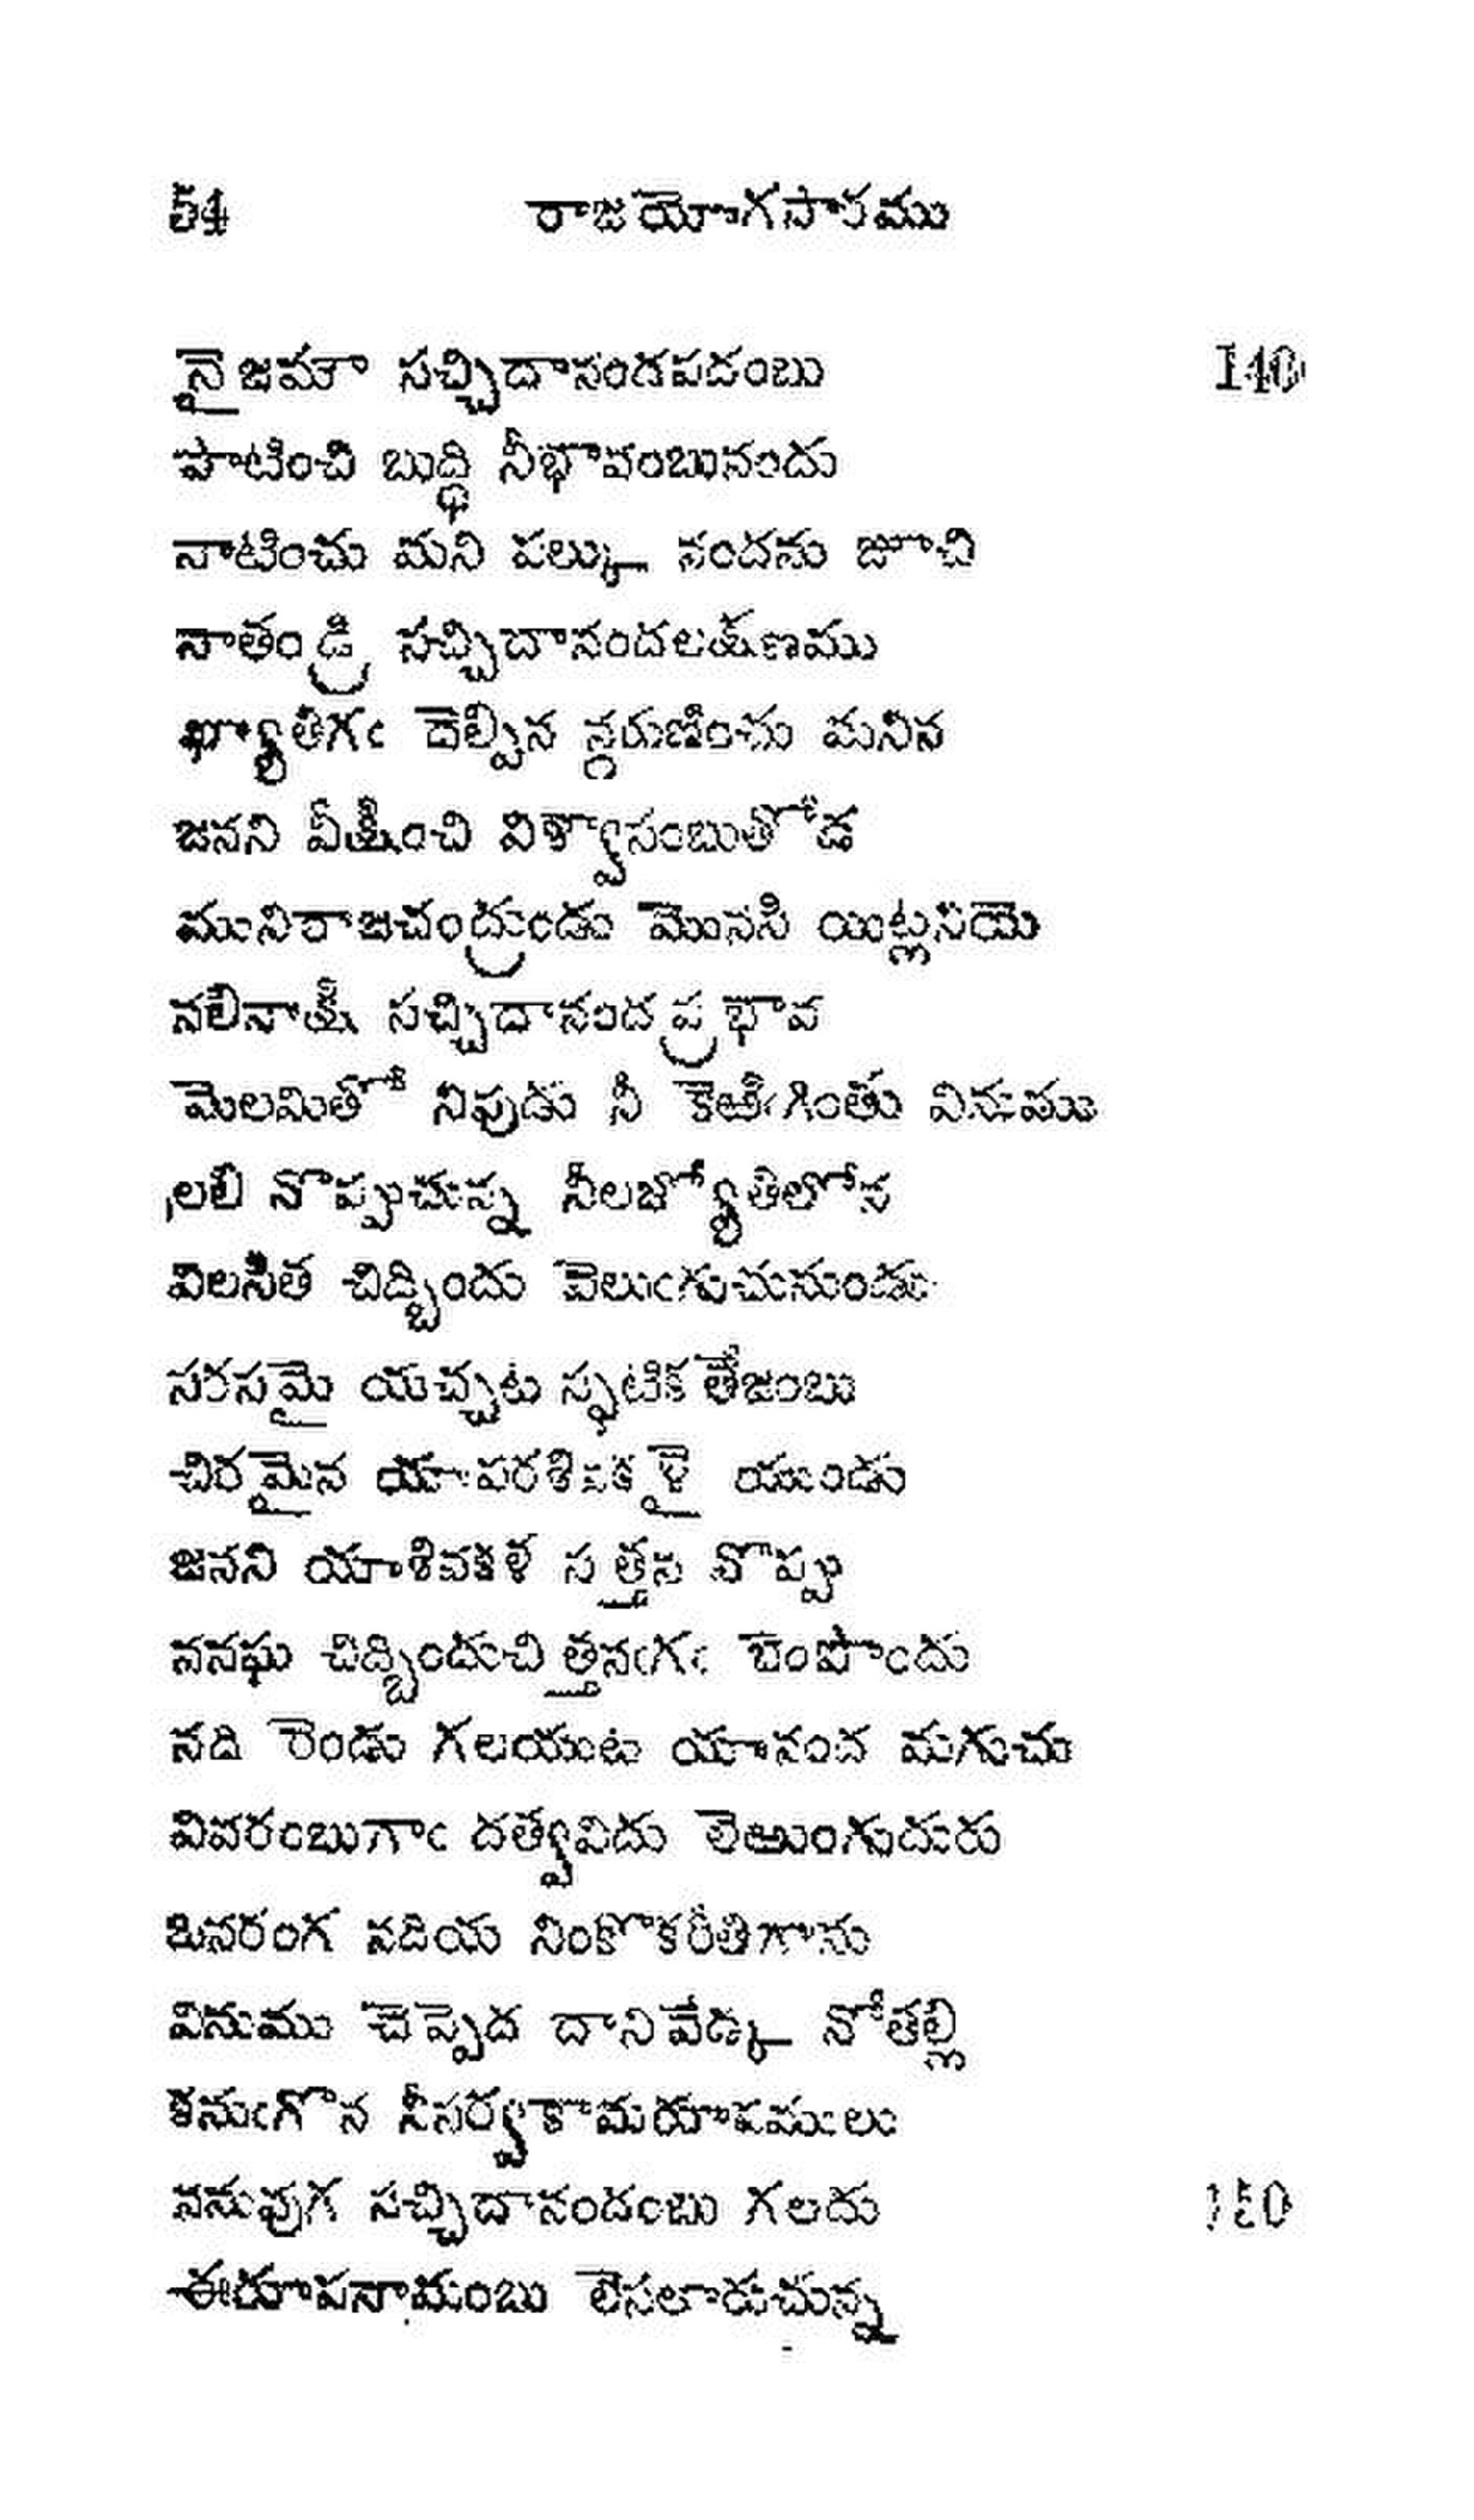నైజమౌ సచ్చిదానందపదంబు
పాటించి బుద్ధి నీభావంబునందు
నాటించు మని పల్కు నందను జూచి
నాతండ్రి సచ్చిదానందలక్షణము
ఖ్యాతిగఁ దెల్పిన న్గరుణించు మనిన
జనని వీక్షించి విశ్వాసంబుతోడ
మునిరాజచంద్రుండు మొససి యిట్లనియె
నలినాక్షి సచ్చిదానందప్రభావ
మెలమితో నిపుడు నీ కెఱిఁగింతు వినుము
లలి నొప్పుచున్న నీలజ్యోతిలోన
విలసిత చిద్బిందు వెలుఁగుచునుండు
సరసమై యచ్చట స్ఫటికతేజంబు
చిరమైన యాపరశివకళై యుండు
జనని యాశివకళ సత్తన నొప్పు
ననఘ చిద్బిందుచిత్తనఁగఁ బెంపొందు
నది రెండు గలయుట యానంద మగుచు
వివరంబుగాఁ దత్వవిదు లెఱుంగుదురు
ఒనరంగ నదియ నింకొకరీతిగాను
వినుము చెప్పెద దాని వేడ్క నోతల్లి
కనుఁగొన నీ సర్వకామరూపములు
ననువుగ సచ్చిదానందంబు గలదు
ఈరూపనామంబు లెసలారుచున్న